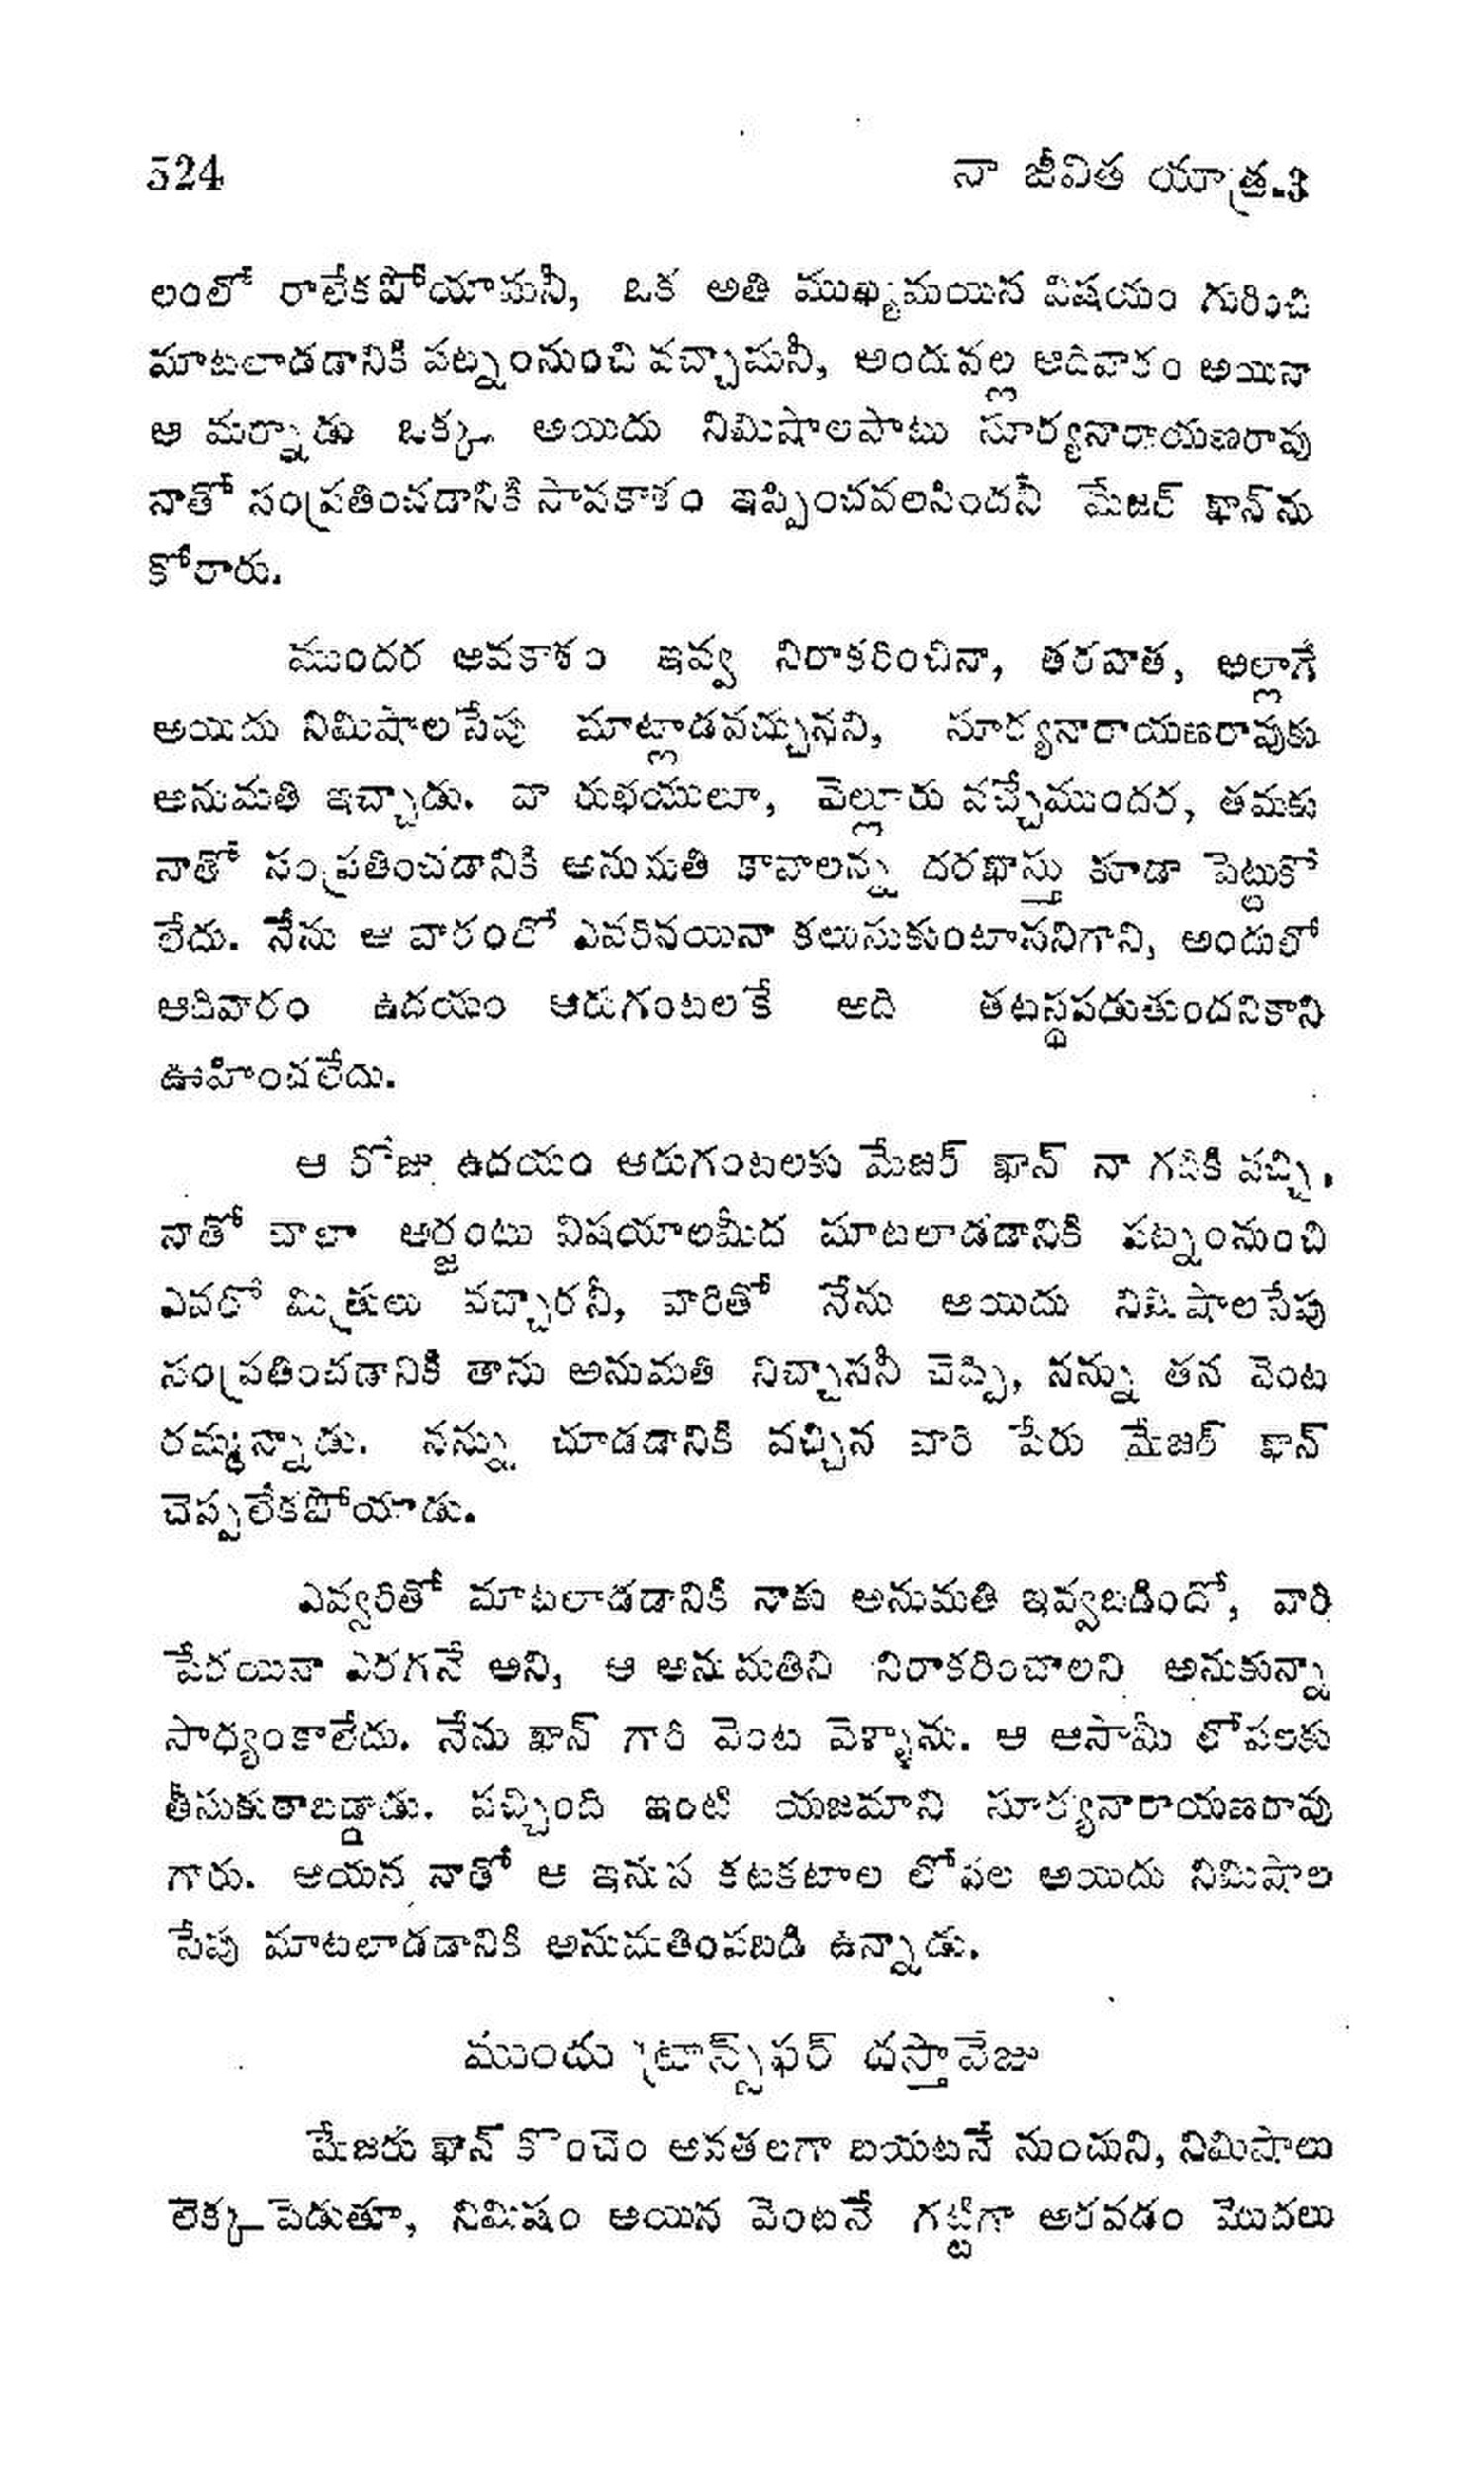లంలో రాలేకపోయామనీ, ఒక అతి ముఖ్యమయిన విషయం గురించి మాటలాడడానికి పట్నంనుంచి వచ్చామనీ, అందువల్ల ఆదివారం అయినా అ మర్నాడు ఒక్క అయిదు నిమిషాలపాటు సూర్యనారాయణరావు నాతో సంప్రతించడానికి సావకాశం ఇప్పించవలసిందనీ మేజర్ ఖాన్‌ను కోరారు.

ముందర అవకాశం ఇవ్వ నిరాకరించినా, తరవాత, అల్లాగే అయిదు నిమిషాలసేపు మాట్లాడవచ్చునని, సూర్యనారాయణరావుకు అనుమతి ఇచ్చాడు. వా రుభయులూ, వెల్లూరు వచ్చేముందర, తమకు నాతో సంప్రతించడానికి అనుమతి కావాలన్న దరఖాస్తు కూడా పెట్టుకోలేదు. నేను ఆ వారంలో ఎవరినయినా కలుసుకుంటానని గాని, అందులో ఆదివారం ఉదయం ఆరుగంటలకే అది తటస్థపడుతుందని కాని ఊహించలేదు.

ఆ రోజు ఉదయం ఆరుగంటలకు మేజర్ ఖాన్ నా గదికి వచ్చి, నాతో చాలా అర్జంటు విషయాలమీద మాటలాడడానికి పట్నంనుంచి ఎవరో మిత్రులు వచ్చారనీ, వారితో నేను అయిదు నిమిషాలసేపు సంప్రతించడానికి తాను అనుమతి నిచ్చాననీ చెప్పి, నన్ను తన వెంట రమ్మాన్నాడు. నన్ను చూడడానికి వచ్చిన వారి పేరు మేజర్ ఖాన్ చెప్పలేక పోయాడు.

ఎవ్వరితో మాటలాడడానికి నాకు అనుమతి ఇవ్వబడిందో, వారి పేరయినా ఎరగనే అని, ఆ అనుమతిని నిరాకరించాలని అనుకున్నా సాధ్యం కాలేదు. నేను ఖాన్ గారి వెంట వెళ్ళాను. ఆ ఆసామీ లోపలకు తీసుకు రాబడ్డాడు. వచ్చింది ఇంటి యజమాని సూర్యనారాయణరావు గారు. ఆయన నాతో ఆ ఇనుప కటకటాల లోపల అయిదు నిమిషాల సేపు మాటలాడడానికి అనుమతింపబడి ఉన్నాడు.

మేజర్ ఖాన్ కొంచెం అవతలగా బయటనే నుంచుని, నిమిషాలు లెక్కపెడుతూ, నిమిషం అయిన వెంటనే గట్టిగా అరవడం మొదలు